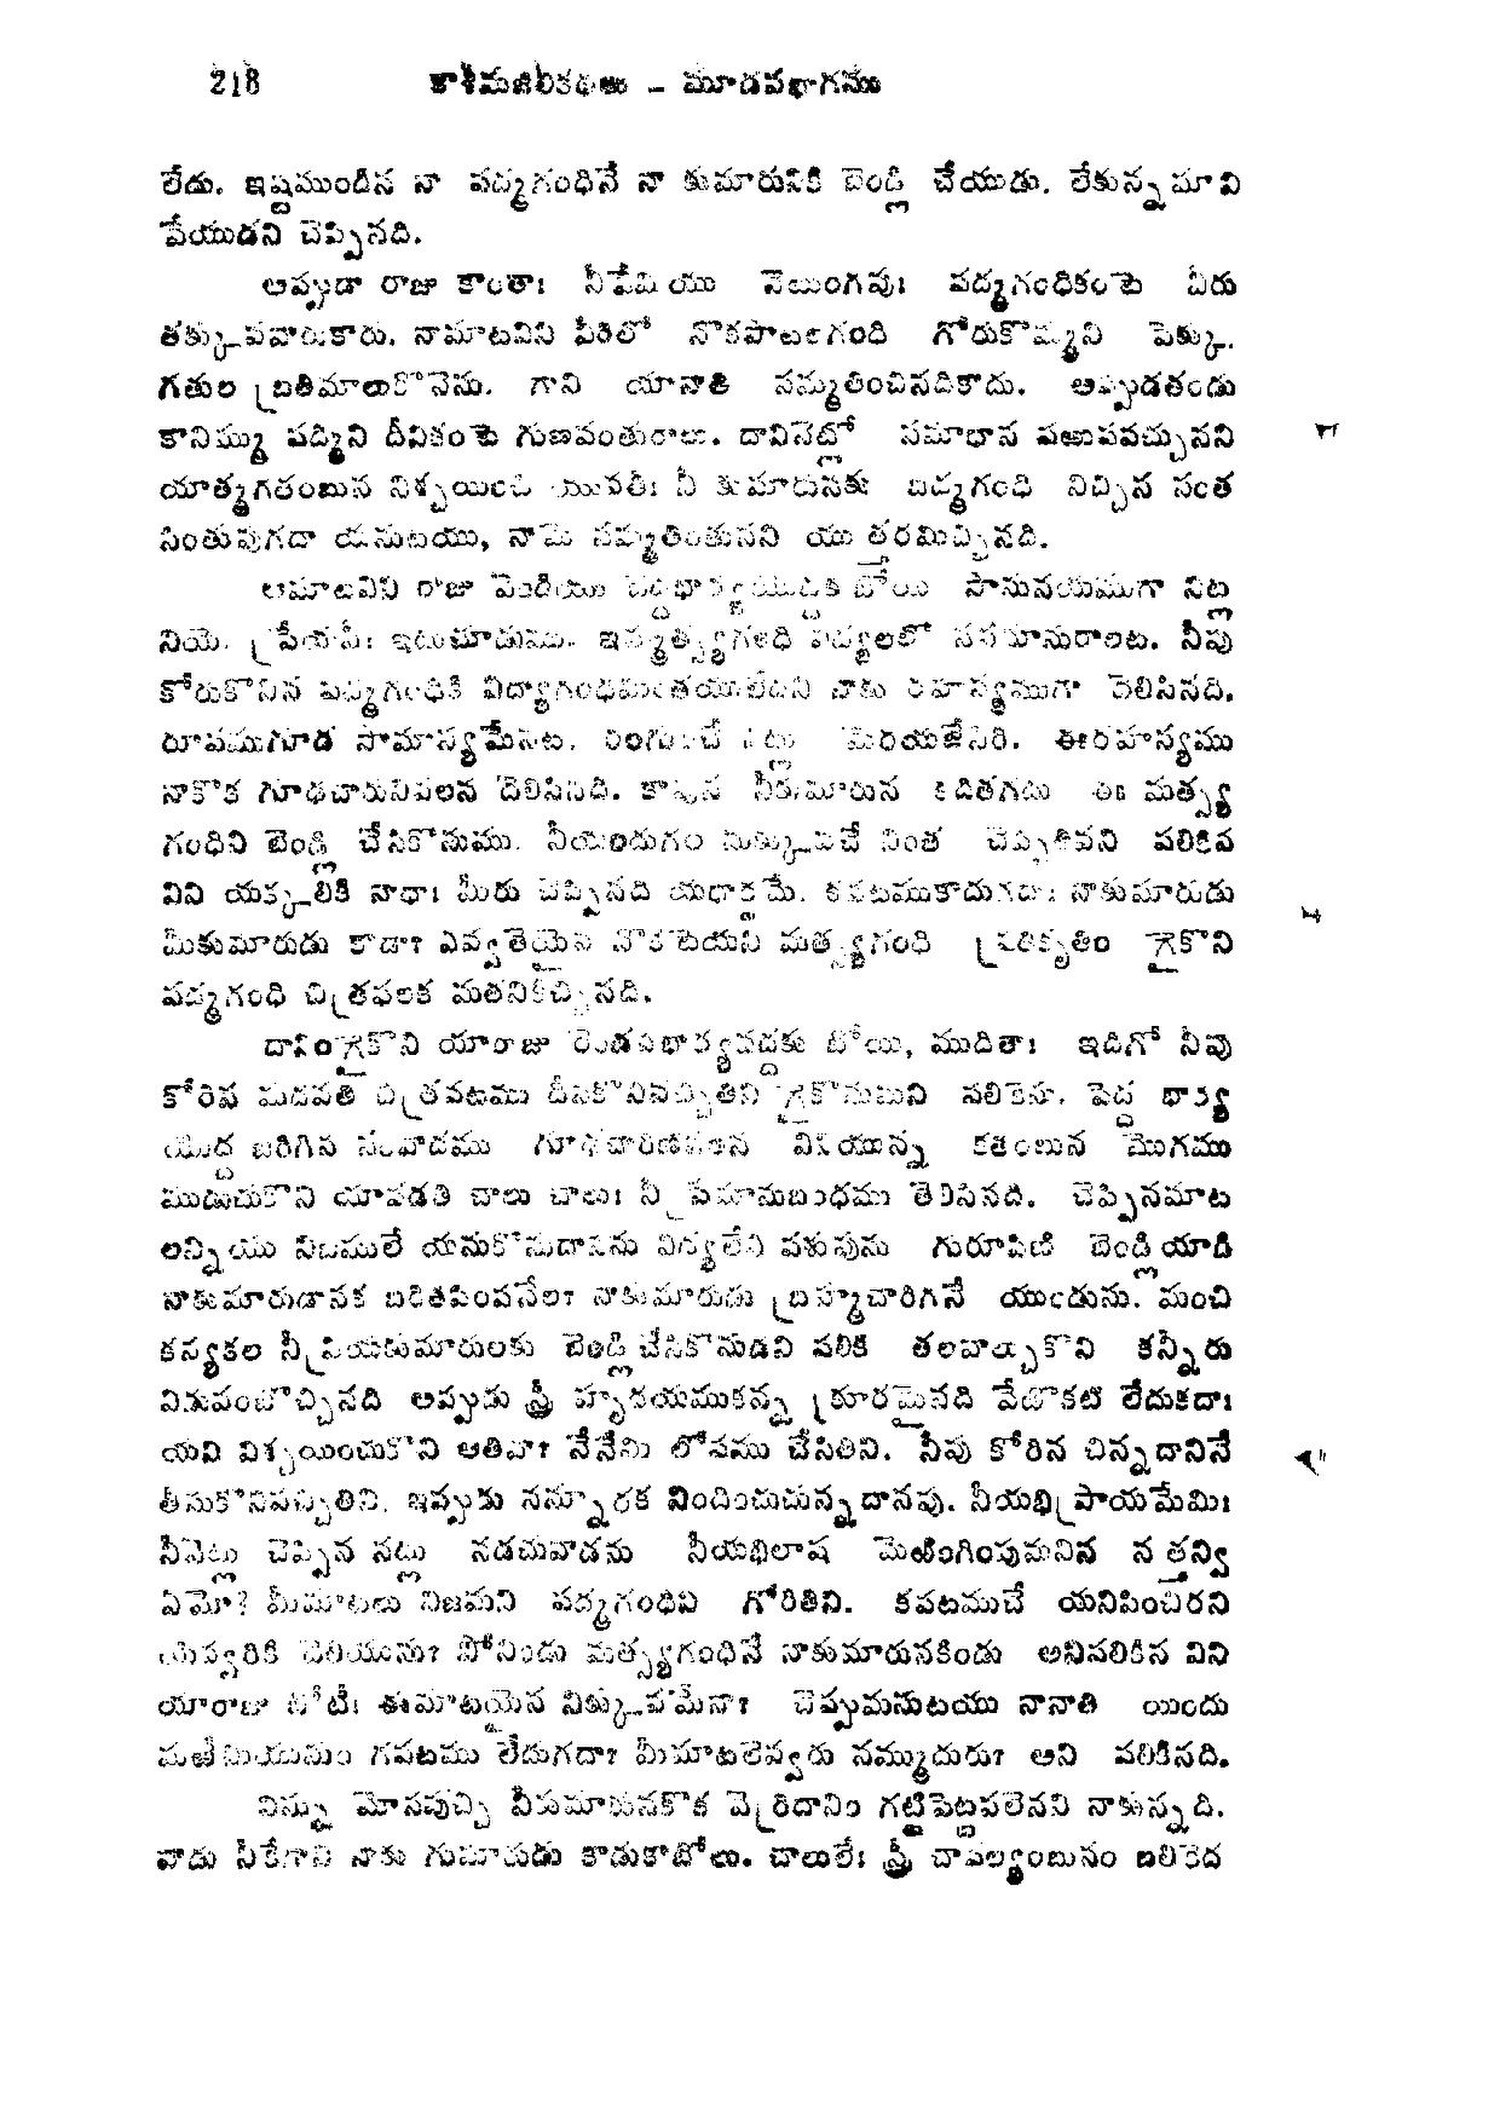లేదు. ఇష్టముండిన నా పద్మగంధినే నా కుమారునికి బెండ్లి చేయుడు. లేకున్నమానివేయుడని చెప్పినది.

అప్పుడా రాజు కాంతా! నీవేమియు నెఱుంగవు? పద్మగంధికంటె వీరు తక్కువవారుకారు. నామాటవిని వీరిలో నొకపాటలగంధి గోరుకొమ్మని పెక్కుగతుల బ్రతిమాలుకొనెను. గాని యానాతి సమ్మతించినది కాదు. అప్పుడతండు కానిమ్ము పద్మిని దీనికంటె గుణవంతురాలు. దానినెట్లో సమాధాన పఱుపవచ్చునని యాత్మగతంబున నిశ్చయించి యువతీ! నీ కుమారునకు బద్మగంధి నిచ్చిన సంతసింతువుగదా యనుటయు, నామె సమ్మతింతునని యుత్తరమిచ్చినది.

ఆమాటవిని రాజు వెండియు బెద్దభార్యయొద్దకు బోయి సానునయముగా నిట్లనియె. ప్రేయసీ! ఇటుచూడుము. ఇమ్మత్స్యగంధి విద్యలలో నసమానురాలట. నీవు కోరుకొనిన పద్మగంధికి విద్యాగంధమంతయులేదని నాకు రహస్యముగా దెలిసినది. రూపముగూడ సామాన్యమేనట. రంగులచే నట్లు మెరయజేసిరి. ఈరహస్యము నాకొక గూఢచారునివలన దెలిసినది. కావున నీకుమారున కదితగదు ఈ మత్స్యగంధిని బెండ్లి చేసికొనుము. నీయందుగల మక్కువచే నింత చెప్పితినని పలికిన విని యక్కలికి నాథా! మీరు చెప్పినది యథార్థమే. కపటముకాదుగదా? నాకుమారుడు మీకుమారుడు కాడా? ఎవ్వతెయైన నొకటెయని మత్స్యగంధి ప్రతికృతిం గైకొని పద్మగంధి చిత్రఫలక మతినికిచ్చినది.

దానింగైకొని యారాజు రెండవభార్యవద్దకు బోయి, ముదితా! ఇదిగో నీవు కోరిన మదవతి చత్రపటము దీసికొనివచ్చితిని గైకొనుమని పలికెను. పెద్ద భార్య యొద్ద జరిగిన సంవాదము గూఢచారిణికతన వినియున్న కతంబున మొగము ముడుచుకొని యాపడతి చాలు చాలు నీ ప్రేమానుబంధము తెలిసినది. చెప్పినమాటలన్నియు నిజములే యనుకొనుదానను విద్యలేని పశువును గురూపిణి బెండ్లియాడి నాకుమారుడానక బరితపింపనేల? నాకుమారుడు బ్రహ్మచారిగానే యుండును. మంచికన్యకల నీప్రియకుమారులకు బెండ్లిచేసికొనుడని పలికి తలవాల్చుకొని కన్నీరు విడువంజొచ్చినది అప్పుడు స్త్రీ హృదయముకన్న క్రూరమైనది వేఱొకటి లేదుకదా? యని నిశ్చయించుకొని అతివా? నేనేమి లోపము చేసితిని. నీవు కోరిన చిన్నదానినే తీసుకొనివచ్చితిని. ఇప్పుడు నన్నూరక నిందించుచున్న దానవు. నీయభిప్రాయమేమి ? నీవెట్లు చెప్పిన నట్లు నడచువాడను నీయభిలాష మెఱింగింపుమనిన నత్తన్వి ఏమో? మీమాటలు నిజమని పద్మగంధిని గోరితిని. కపటముచే యనిపించిరని యెవ్వరికి దెలియును? పోనిండు మత్స్యగంధినే నాకుమారునకిండు అనిపలికిన విని యారాజు బోటీ! ఈమాటయైన నిక్కువమేనా? చెప్పుమనుటయు నానాతి యిందు మఱేమియునుం గపటము లేదుగదా? మీమాటలెవ్వరు నమ్ముదురు? అని పలికినది.

నిన్ను మోసపుచ్చి నీకుమారున కొకవెర్రిదాన్ని గట్టిపెట్టవలెనని నాకున్నది. వాడు నీకేగాని నాకు గుమారుడు కాడుకాబోలు. చాలులే ? స్త్రీ చాపల్యంబునం బలికెద